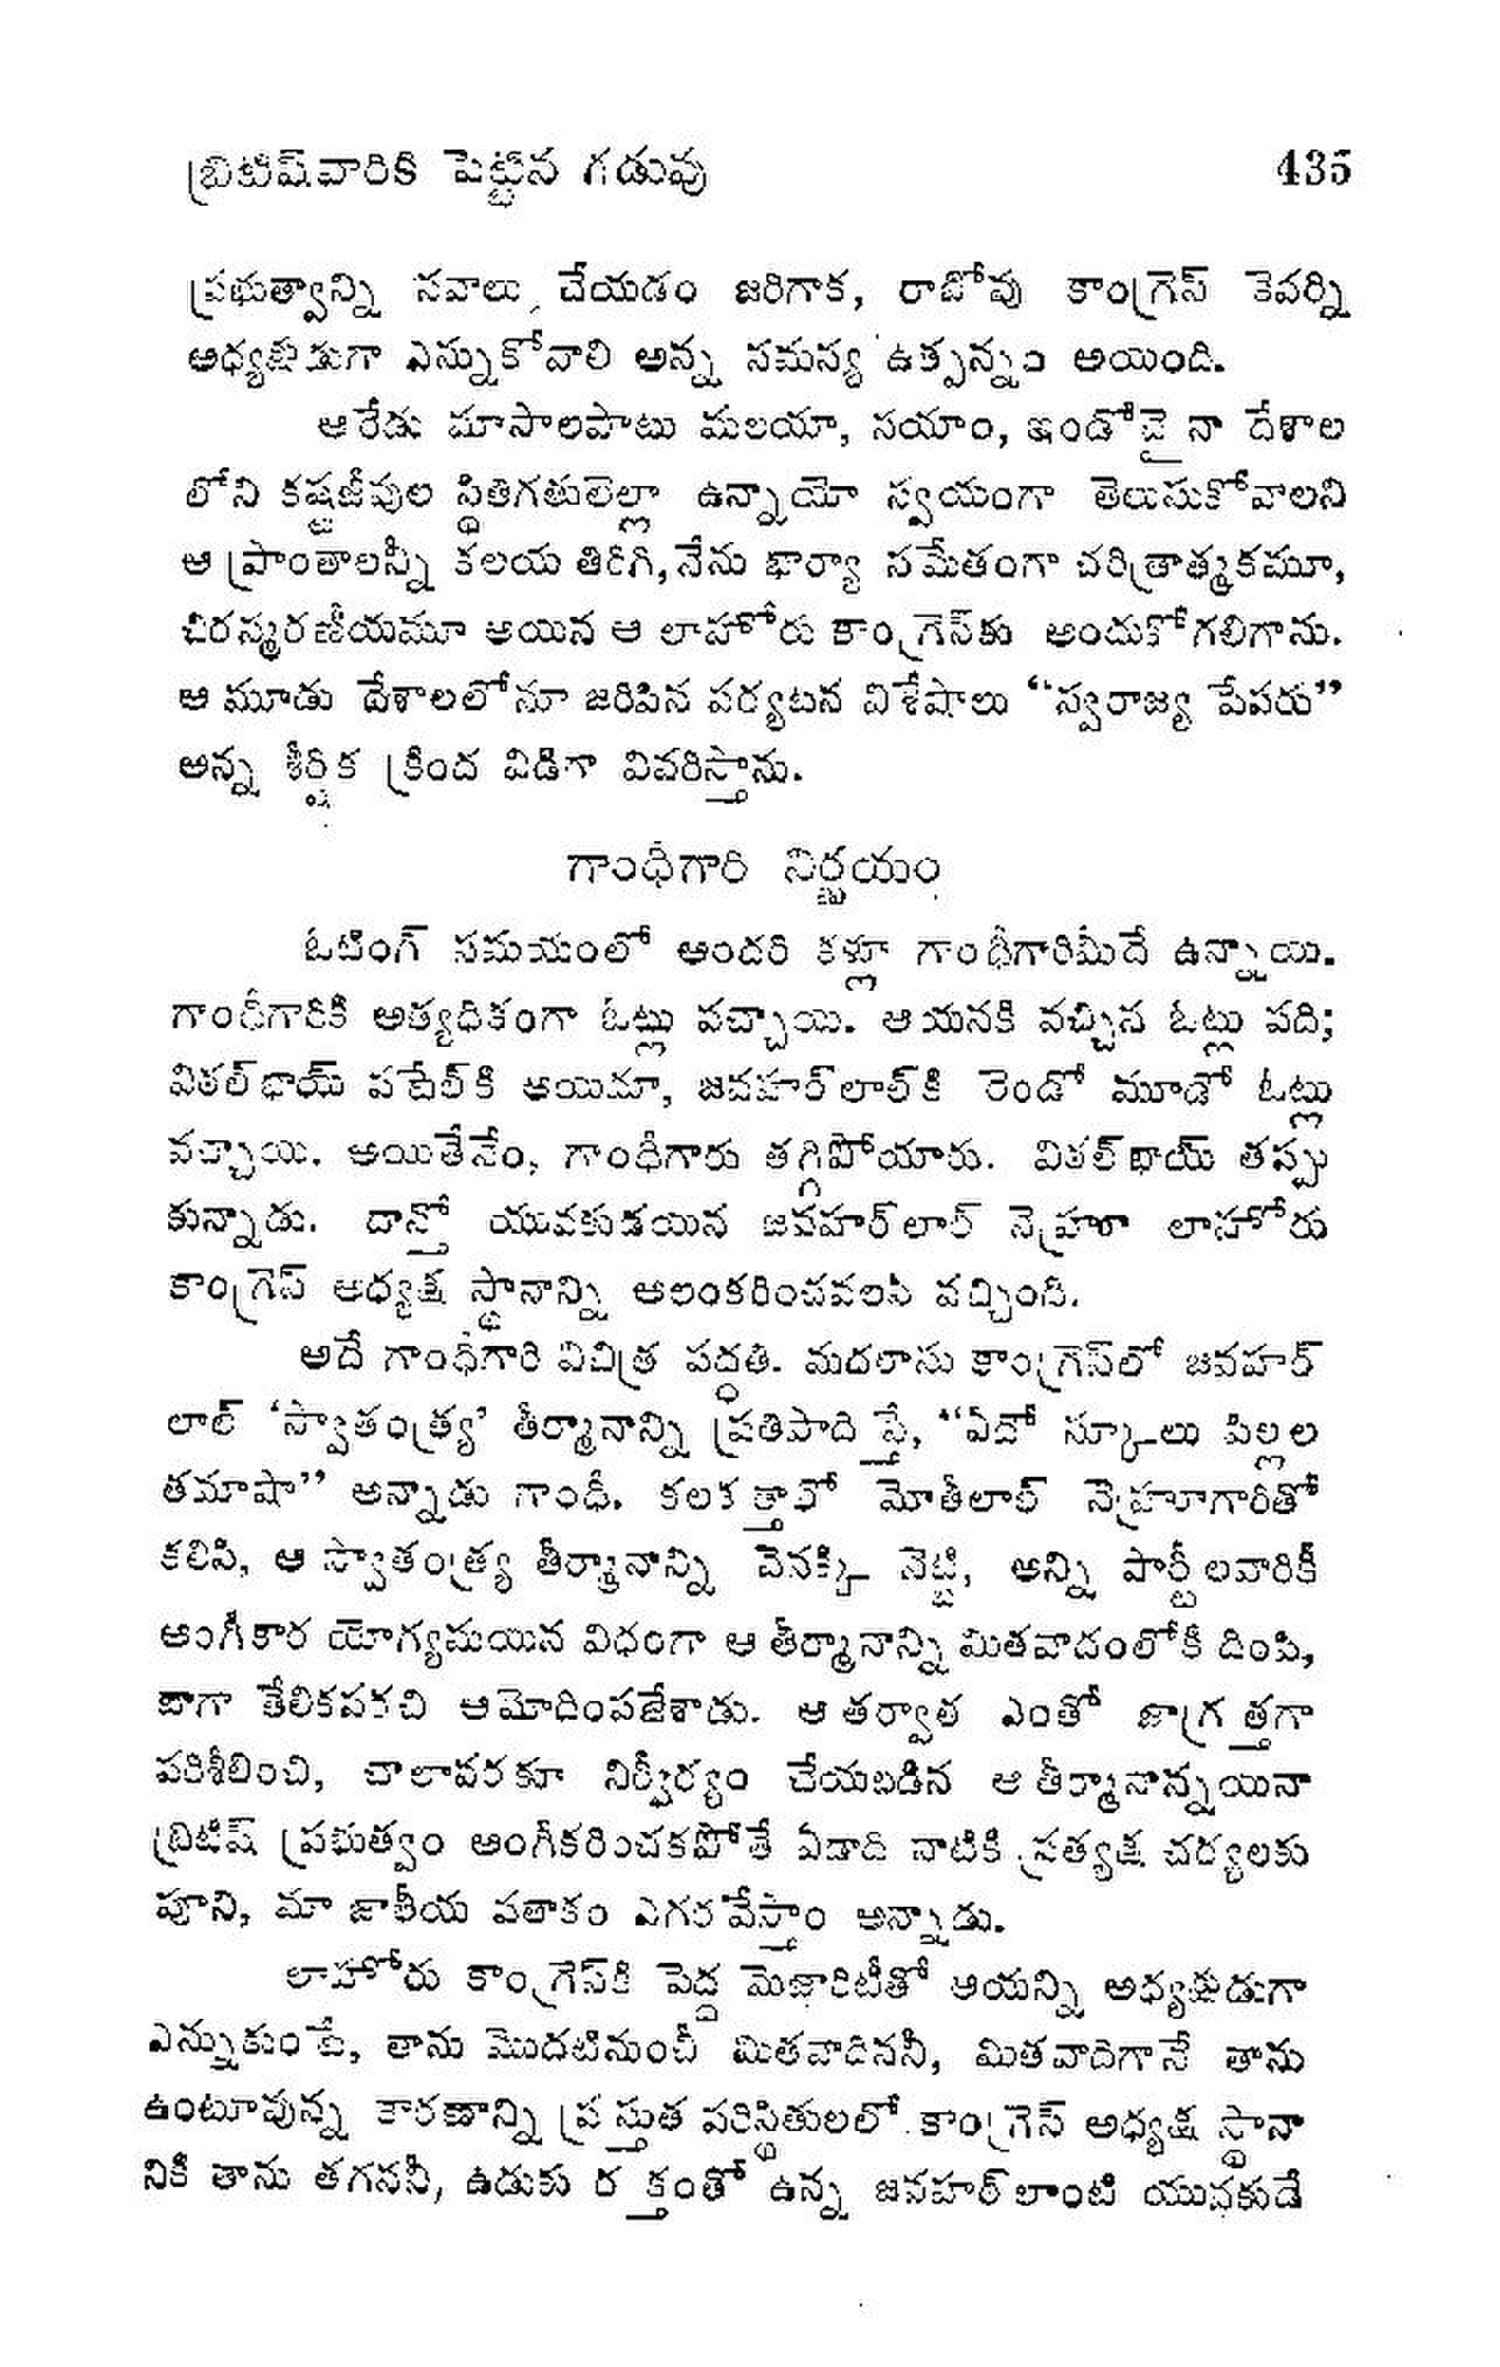ప్రభుత్వాన్ని సవాలు చేయడం జరిగాక, రాబోవు కాంగ్రెస్ కెవర్ని అధ్యక్షుడుగా ఎన్నుకోవాలి అన్న సమస్య ఉత్పన్నం అయింది.

ఆరేడు మాసాలపాటు మలయా, సయాం, ఇండోచైనా దేశాలలోని కష్టజీవుల స్థితిగతులెల్లా ఉన్నాయో స్వయంగా తెలుసుకోవాలని ఆ ప్రాంతాలన్నీ కలయ తిరిగి, నేను భార్యా సమేతంగా చరిత్రాత్మకమూ, చిరస్మరణీయమూ అయిన ఆ లాహోరు కాంగ్రెస్‌కు అందుకోగలిగాను. ఆ మూడు దేశాలలోనూ జరిపిన పర్యటన విశేషాలు "స్వరాజ్య పేపరు" అన్న శీర్షిక క్రింద విడిగా వివరిస్తాను.

ఓటింగ్ సమయంలో అందరి కళ్లూ గాంధీగారిమీదే ఉన్నాయి. గాంధీగారికి అత్యధికంగా ఓట్లు వచ్చాయి. ఆయనకి వచ్చిన ఓట్లు పది; విఠల్‌భాయ్ పటేల్‌కి అయిదూ, జవహర్‌లాల్‌కి రెండో మూడో ఓట్లు వచ్చాయి. అయితేనేం, గాంధీగారు తగ్గిపోయారు. విఠల్‌భాయ్ తప్పుకున్నాడు. దాన్తో యువకుడయిన జవహర్‌లాల్ నెహ్రూ లాహోరు కాంగ్రెస్ అధ్యక్ష స్థానాన్ని అలంకరించవలసి వచ్చించి.

అదే గాంధీగారి విచిత్ర పద్ధతి. మదరాసు కాంగ్రెస్‌లో జవహర్‌లాల్ 'స్వాతంత్ర్య' తీర్మానాన్ని ప్రతిపాదిస్తే, "ఏదో స్కూలు పిల్లల తమాషా" అన్నాడు గాంధీ. కలకత్తాలో మోతీలాల్ నెహ్రూగారితో కలిసి, అ స్వాతంత్ర్య తీర్మానాన్ని వెనక్కి నెట్టి, అన్ని పార్టీలవారికీ అంగీకార యోగ్యమయిన విధంగా అ తీర్మానాన్ని మితవాదంలోకి దింపి, బాగా తేలికపరచి ఆమోదింపజేశాడు. ఆ తర్వాత ఎంతో జాగ్రత్తగా పరిశీలించి, చాలావరకూ నిర్వీర్యం చేయబడిన ఆ తీర్మానాన్నయినా బ్రిటిష్ ప్రభుత్వం అంగీకరించకపోతే ఏడాది నాటికి ప్రత్యక్ష చర్యలకు పూని, మా జాతీయ పతాకం ఎగరవేస్తాం అన్నాడు.

లాహోరు కాంగ్రెస్‌కి పెద్ద మెజారిటితో ఆయన్ని అధ్యక్షుడుగా ఎన్నుకుంటే, తాను మొదటినుంచీ మితవాదిననీ, మితవాదిగానే తాను ఉంటూవున్న కారణాన్ని ప్రస్తుత పరిస్థితులలో కాంగ్రెస్ అధ్యక్ష స్థానానికి తాను తగననీ, ఉడుకు రక్తంతో ఉన్న జవహర్ లాంటి యువకుడే